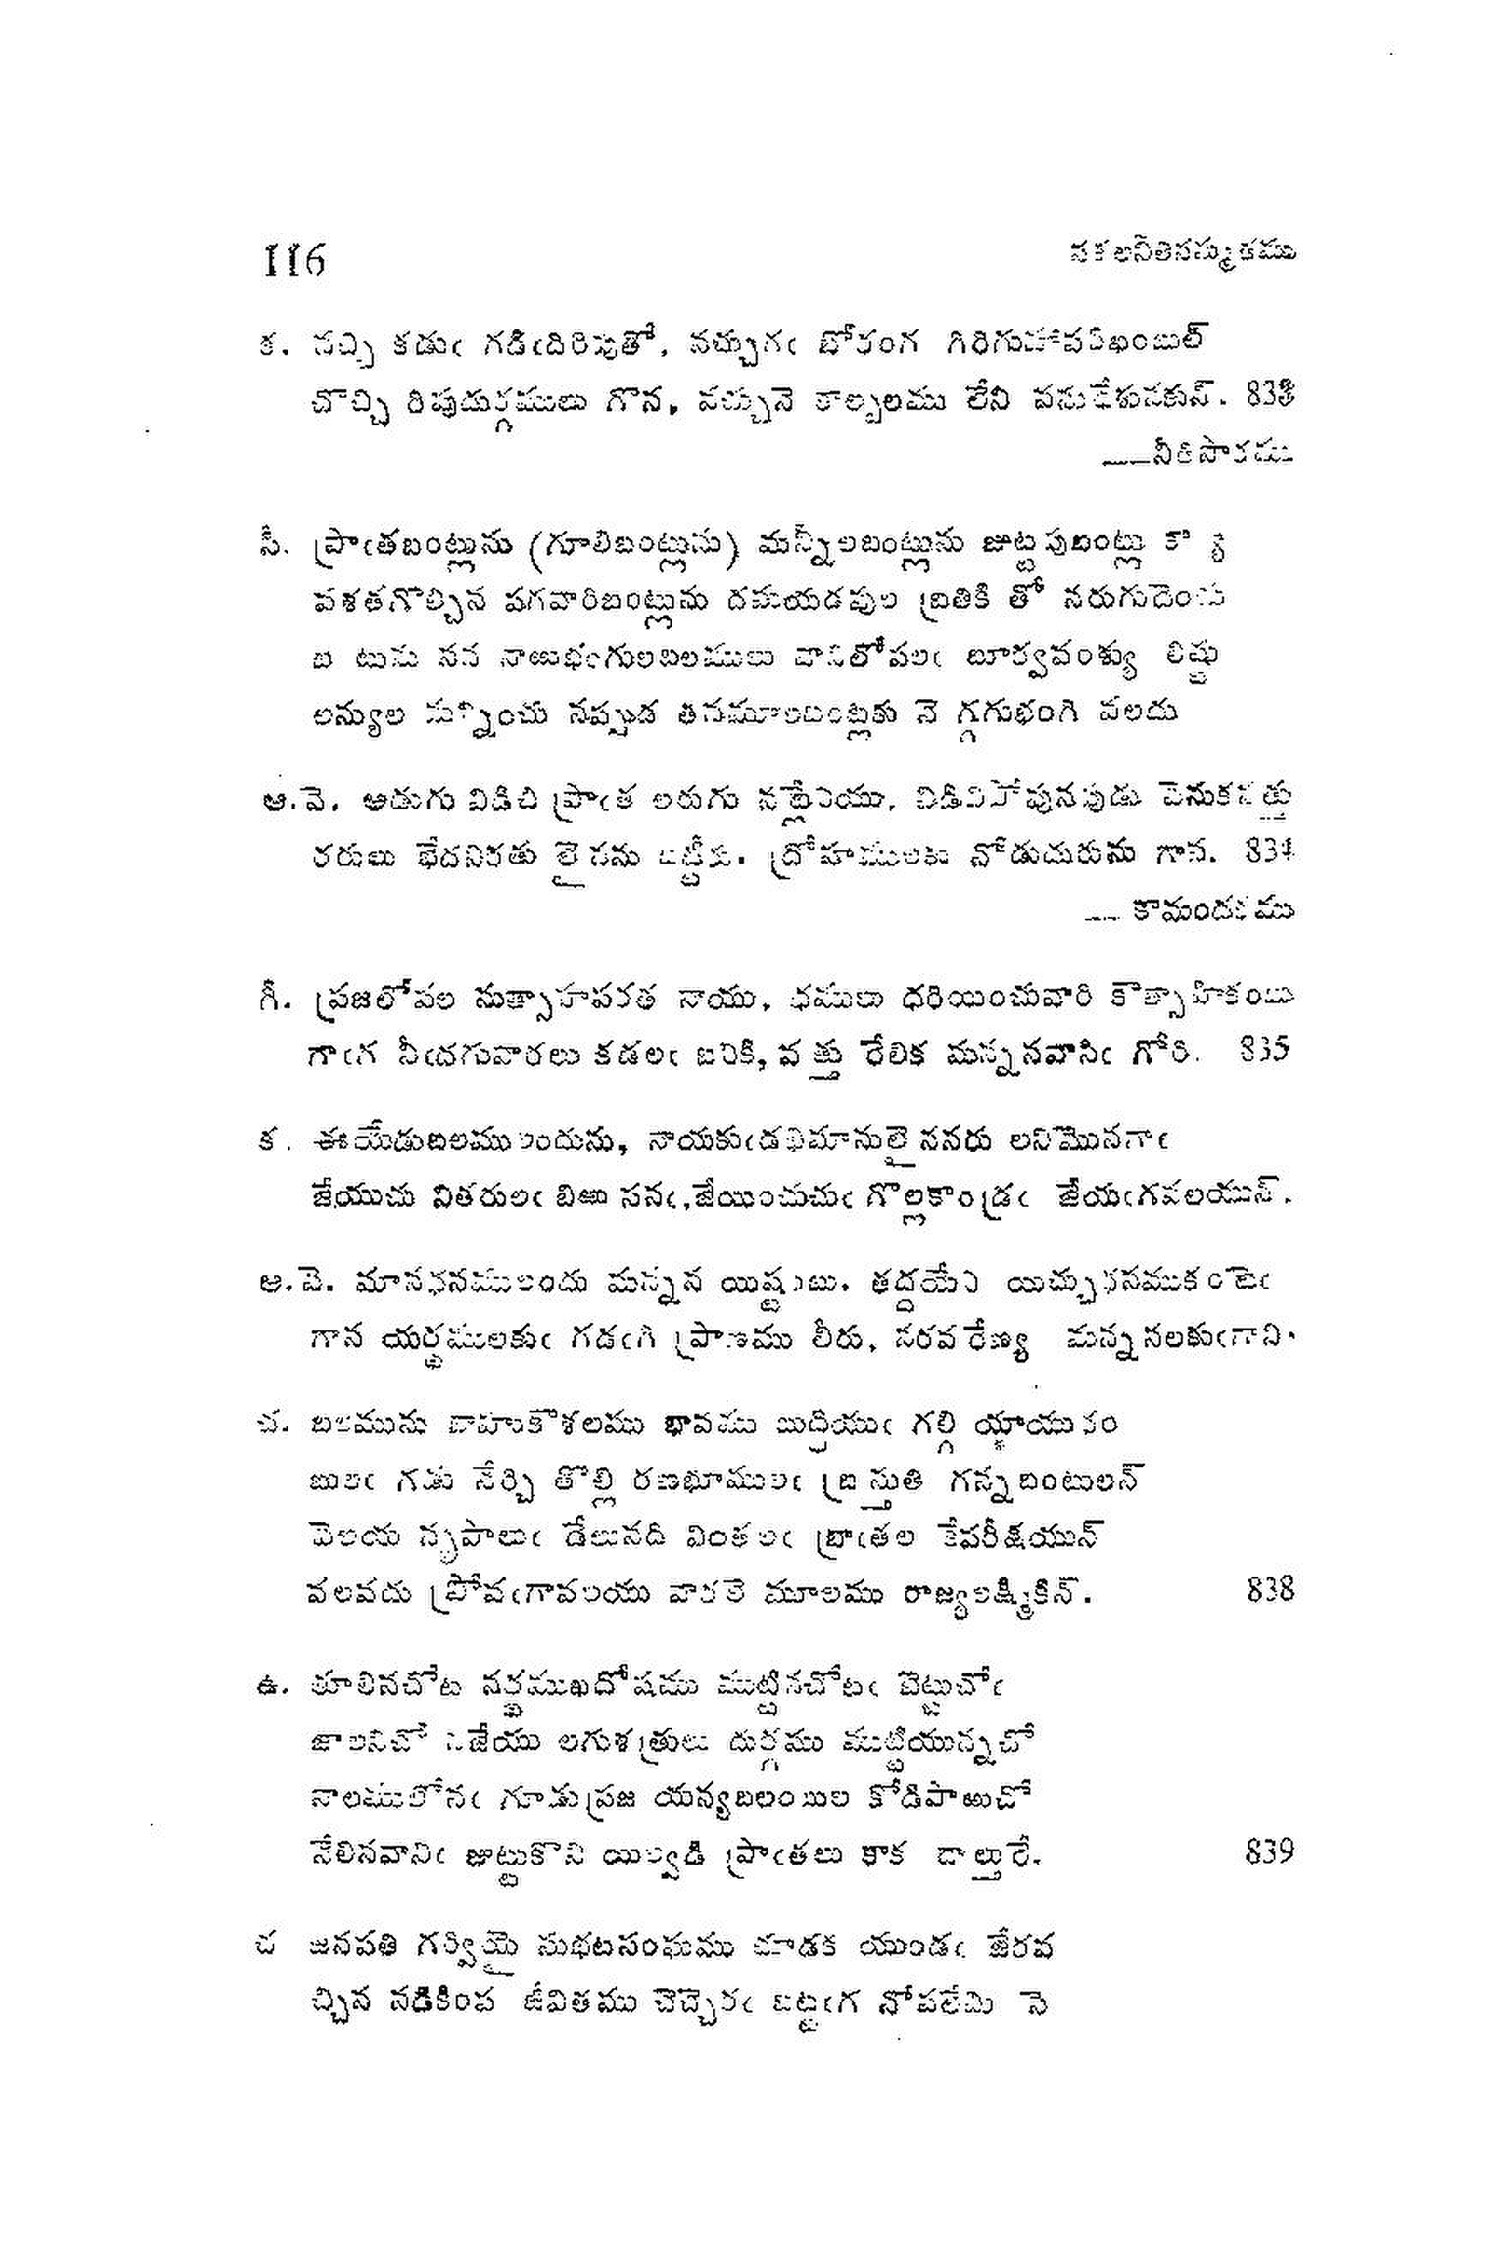క. నచ్చి కడుఁ గడిఁదిరిపుతో
నచ్చుగఁ బోరంగ గిరిగుహాపరిఖంబుల్
చొచ్చి రిపుదుర్గములు గొన
వచ్చులె కాల్బలము లేని వసుధేశునకున్. 833

సీ. ప్రాఁతబంట్లును (గూలిబంట్లును) మన్నీల
బంట్లును జుట్టపుబంట్లు కార్య
వశత గొల్చిన పగవారిబంట్లును దమ
యడవుల బ్రతికి తో నరుగుదెంచు
బంటును నన నాఱుభంగులబలములు
వానిలోపలఁ బూర్వవంశ్యు లిష్టు
లన్యుల మన్నించు నప్పుడ తనమూల
బంట్లకు నె గ్గగు భంగి వలదు
ఆ. అడుగు విడిచి ప్రాఁత లరుగు నట్లేనియు
విడిచిపోవునపుడు వెనుకవత్తు
రరులు భేదనిరతు లైనను బట్టీరు
ద్రోహములకు నోడుదురును గాన. 834

గీ. ప్రజలోపల నుత్సాహపరత నాయు
ధములు ధరియించువారి కౌత్సాహికంబు
గాఁగ నీఁదగువారలు కడలఁ బనికి
వత్తు రేలిక మన్ననవాసిఁ గోరి. 835

క. ఈయేడుబలములందును
నాయకుఁ డభిమానులైన నరు లని మొనగాఁ
జేయుచు నితరులఁ బిఱు సనఁ
జేయించుచుఁ గొల్లకాండ్రఁ జేయఁగవలయున్. 836

ఆ. మానధనములందు మన్నన యిష్టంబు
తద్దయేని యిచ్చుధనముకంటెఁ
గాన యర్థములకుఁ గడఁగి ప్రాణము లీరు
నరవరేణ్య మన్ననలకుఁ గాని. 837

చ. బలమును బాహుకౌశలము భావము బుద్ధియుఁ గల్గి యాయుధం
బులఁ గడు నేర్చి చొల్లి రణభూములఁ బ్రస్తుతి గన్నబంటులన్
వెలయ నృపాలుఁ డేలునది వింతలఁ బ్రాఁతల కేపరీక్షయున్
వలవదు ప్రోవఁగావలయు వారలె మూలము రాజ్యలక్ష్మికిన్. 838

ఉ. తూలినచోట నర్థముఖదోషము ముట్టినచోటఁ బెట్టుచోఁ
జాలనిచో నజేయు లగు శత్రులు దుర్గము ముట్టియున్నచో
నాలములోనఁ గూడు ప్రజ యన్యబలంబుల కోడి పాఱుచో
నేలినవానిఁ జుట్టుకొని యిల్వడి ప్రాఁతలు కాక దాల్తురే. 839

చ. జనపతి గర్వియై సుభటసంఘము చూడక యుండఁ జేరవ
చ్చిన నడికింప జీవితము చెచ్చెరఁ బట్టఁగ నోపలేమి సె